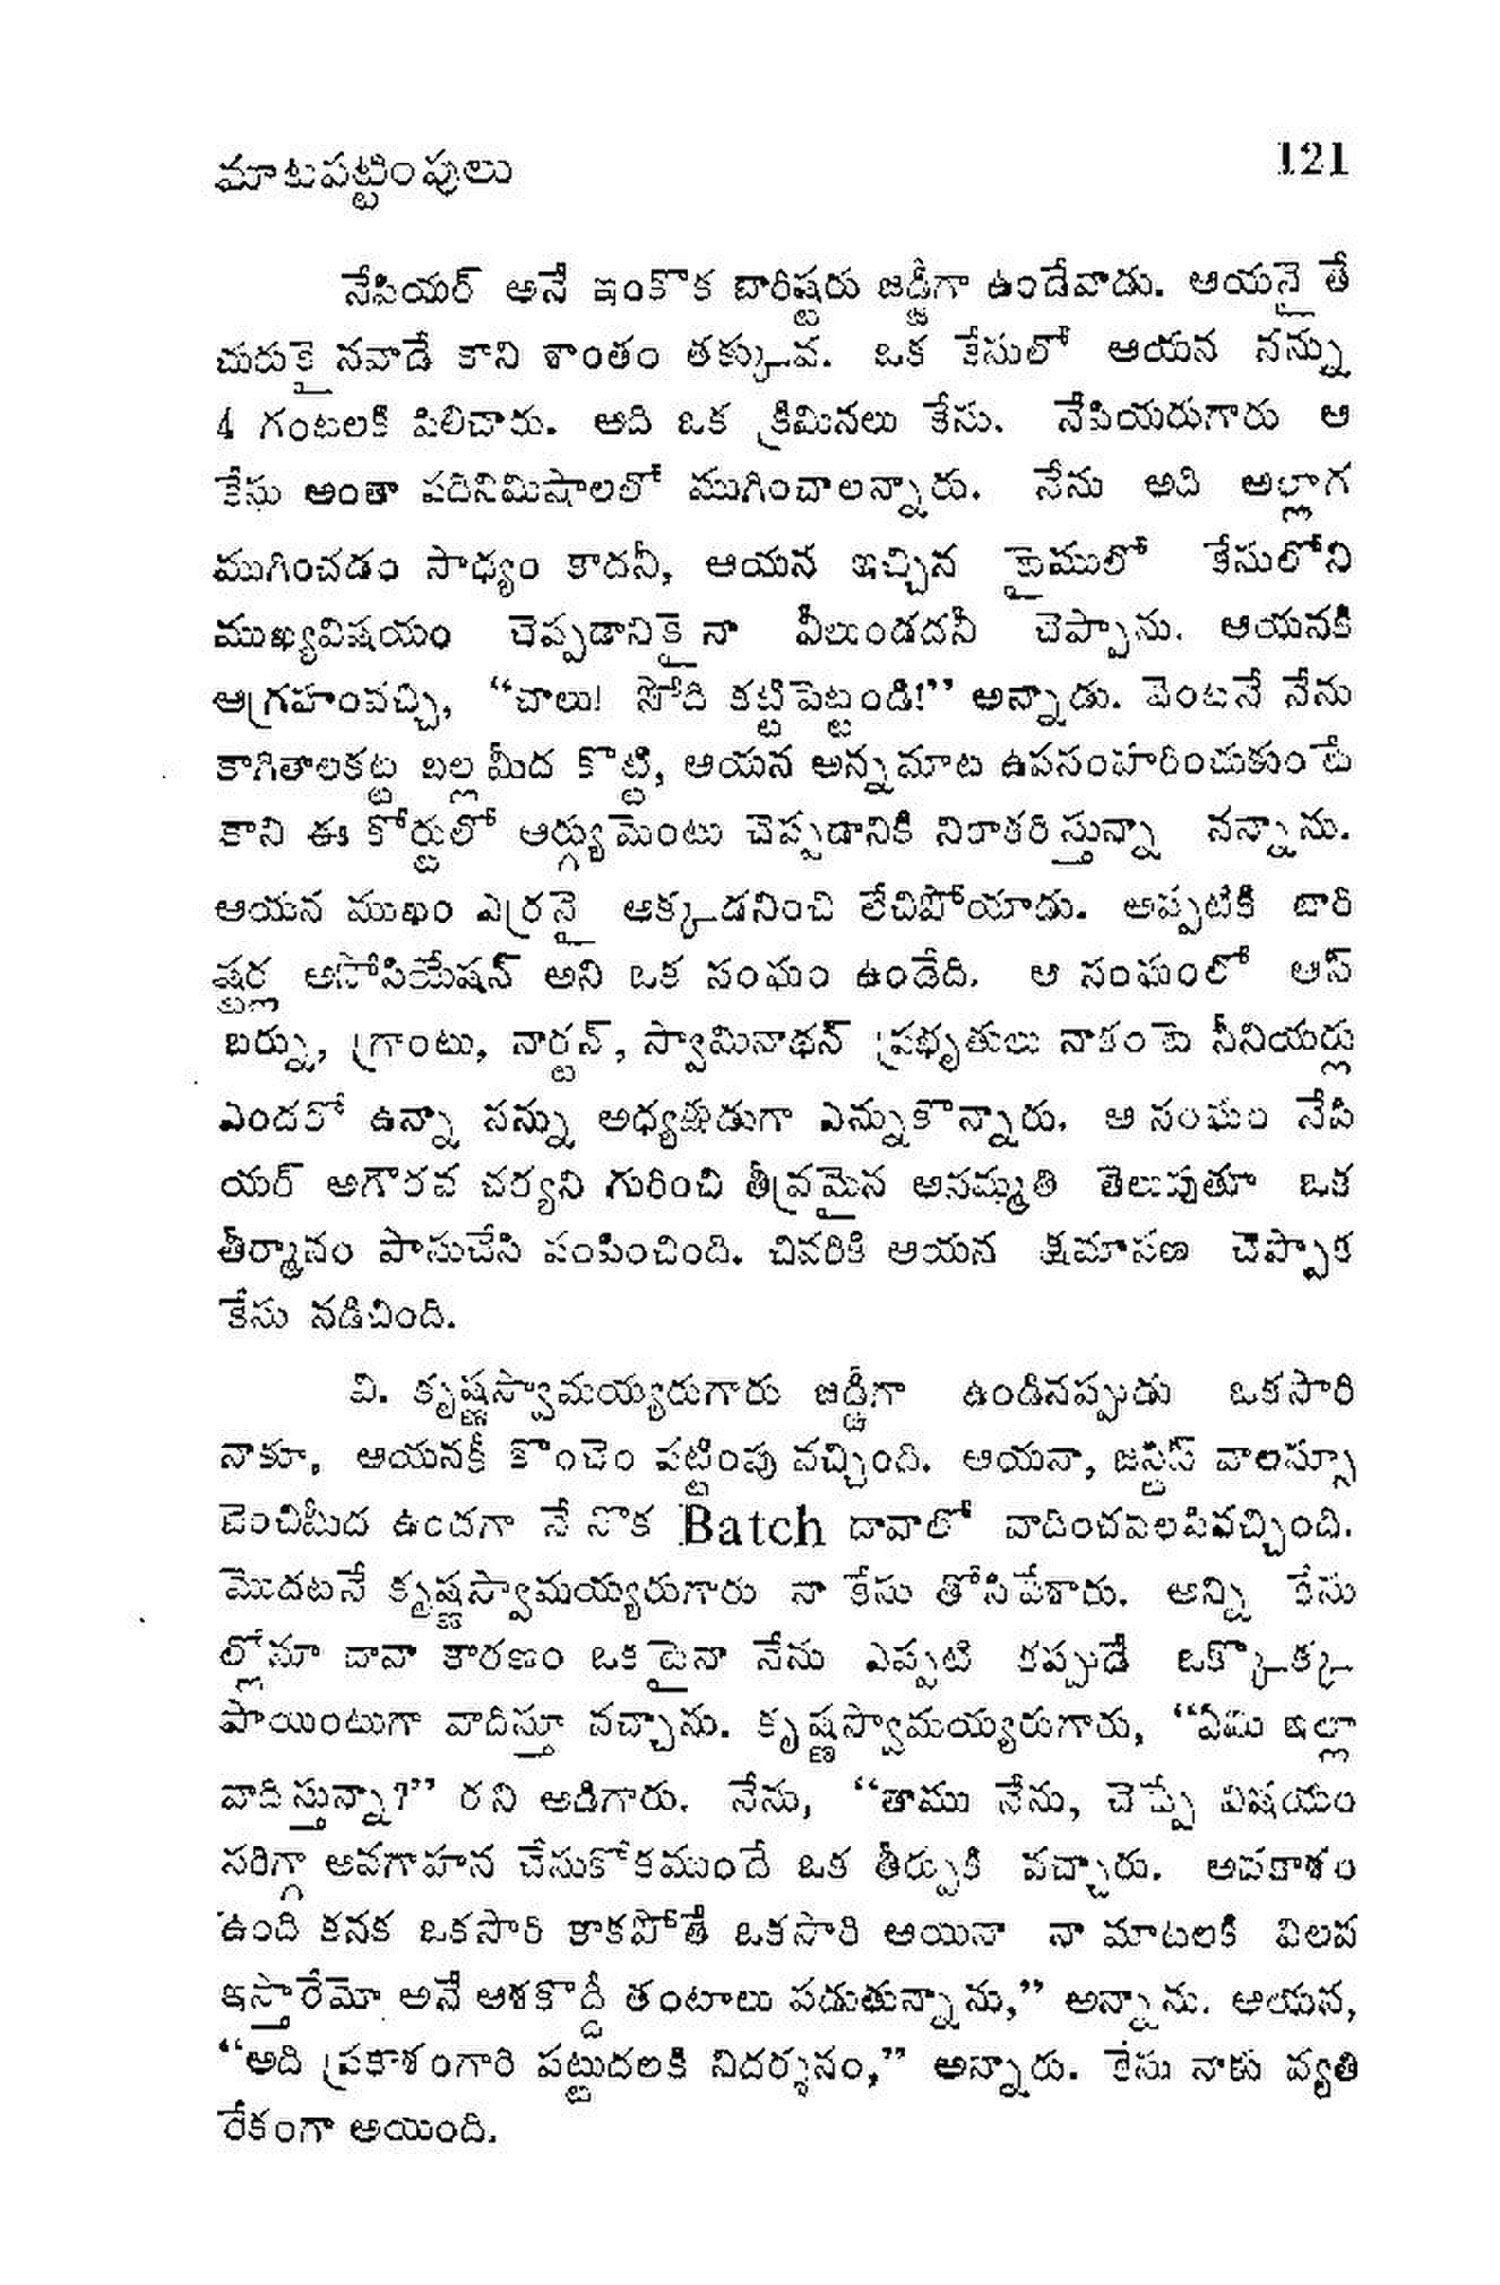నేపియర్ అనే ఇంకొక బారిష్టరు జడ్జీగా ఉండేవాడు. ఆయనైతే చురుకైనవాడే కాని శాంతం తక్కువ. ఒక కేసులో ఆయన నన్ను 4 గంటలకి పిలిచారు. అది ఒక క్రిమినలు కేసు. నేపియరుగారు ఆ కేసు అంతా పదినిమిషాలలో ముగించాలన్నారు. నేను అది అల్లాగ ముగించడం సాధ్యం కాదనీ, ఆయన ఇచ్చిన టైములో కేసులోని ముఖ్యవిషయం చెప్పడానికైనా వీలుండదనీ చెప్పాను. ఆయనకి ఆగ్రహంవచ్చి, "చాలు! సోది కట్టిపెట్టండి!" అన్నాడు. వెంటనే నేను కాగితాలకట్ట బల్ల మీద కొట్టి, ఆయన అన్నమాట ఉపసంహరించుకుంటే కాని ఈ కోర్టులో ఆర్గ్యుమెంటు చెప్పడానికి నిరాకరిస్తున్నా నన్నాను. ఆయన ముఖం ఎర్రనై అక్కడనించి లేచిపోయాడు. అప్పటికి బారిష్టర్ల అసోసియేషన్ అని ఒక సంఘం ఉండేది. ఆ సంఘంలో ఆస్‌బర్ను, గ్రాంటు, నార్టన్, స్వామినాథన్ ప్రభృతులు నాకంటె సీనియర్లు ఎందరో ఉన్నా నన్ను అధ్యక్షుడుగా ఎన్నుకొన్నారు. ఆ సంఘం నేపియర్ అగౌరవ చర్యని గురించి తీవ్రమైన అసమ్మతి తెలుపుతూ ఒక తీర్మానం పాసుచేసి పంపించింది. చివరికి ఆయన క్షమాపణ చెప్పాక కేసు నడిచింది.

వి. కృష్ణస్వామయ్యరుగారు జడ్జీగా ఉండినప్పుడు ఒకసారి నాకూ, ఆయనకీ కొంచెం పట్టింపు వచ్చింది. ఆయనా, జస్టిస్ వాలస్సూ బెంచిమీద ఉండగా నే నొక Batch దావాలో వాదించవలసివచ్చింది. మొదటనే కృష్ణస్వామయ్యరుగారు నా కేసు తోసివేశారు. అన్ని కేసుల్లోనూ దావా కారణం ఒకటైనా నేను ఎప్పటి కప్పుడే ఒక్కొక్క పాయింటుగా వాదిస్తూ వచ్చాను. కృష్ణస్వామయ్యరుగారు, "ఏమి ఇల్లా వాదిస్తున్నా?" రని అడిగారు. నేను, "తాము నేను, చెప్పే విషయం సరిగ్గా అవగాహన చేసుకోకముందే ఒక తీర్పుకి వచ్చారు. అవకాశం ఉంది కనక ఒకసారి కాకపోతే ఒకసారి అయినా నా మాటలకి విలవ ఇస్తారేమో అనే ఆశకొద్దీ తంటాలు పడుతున్నాను," అన్నాను. ఆయన, "అది ప్రకాశంగారి పట్టుదలకి నిదర్శనం," అన్నారు. కేసు నాకు వ్యతిరేకంగా అయింది.